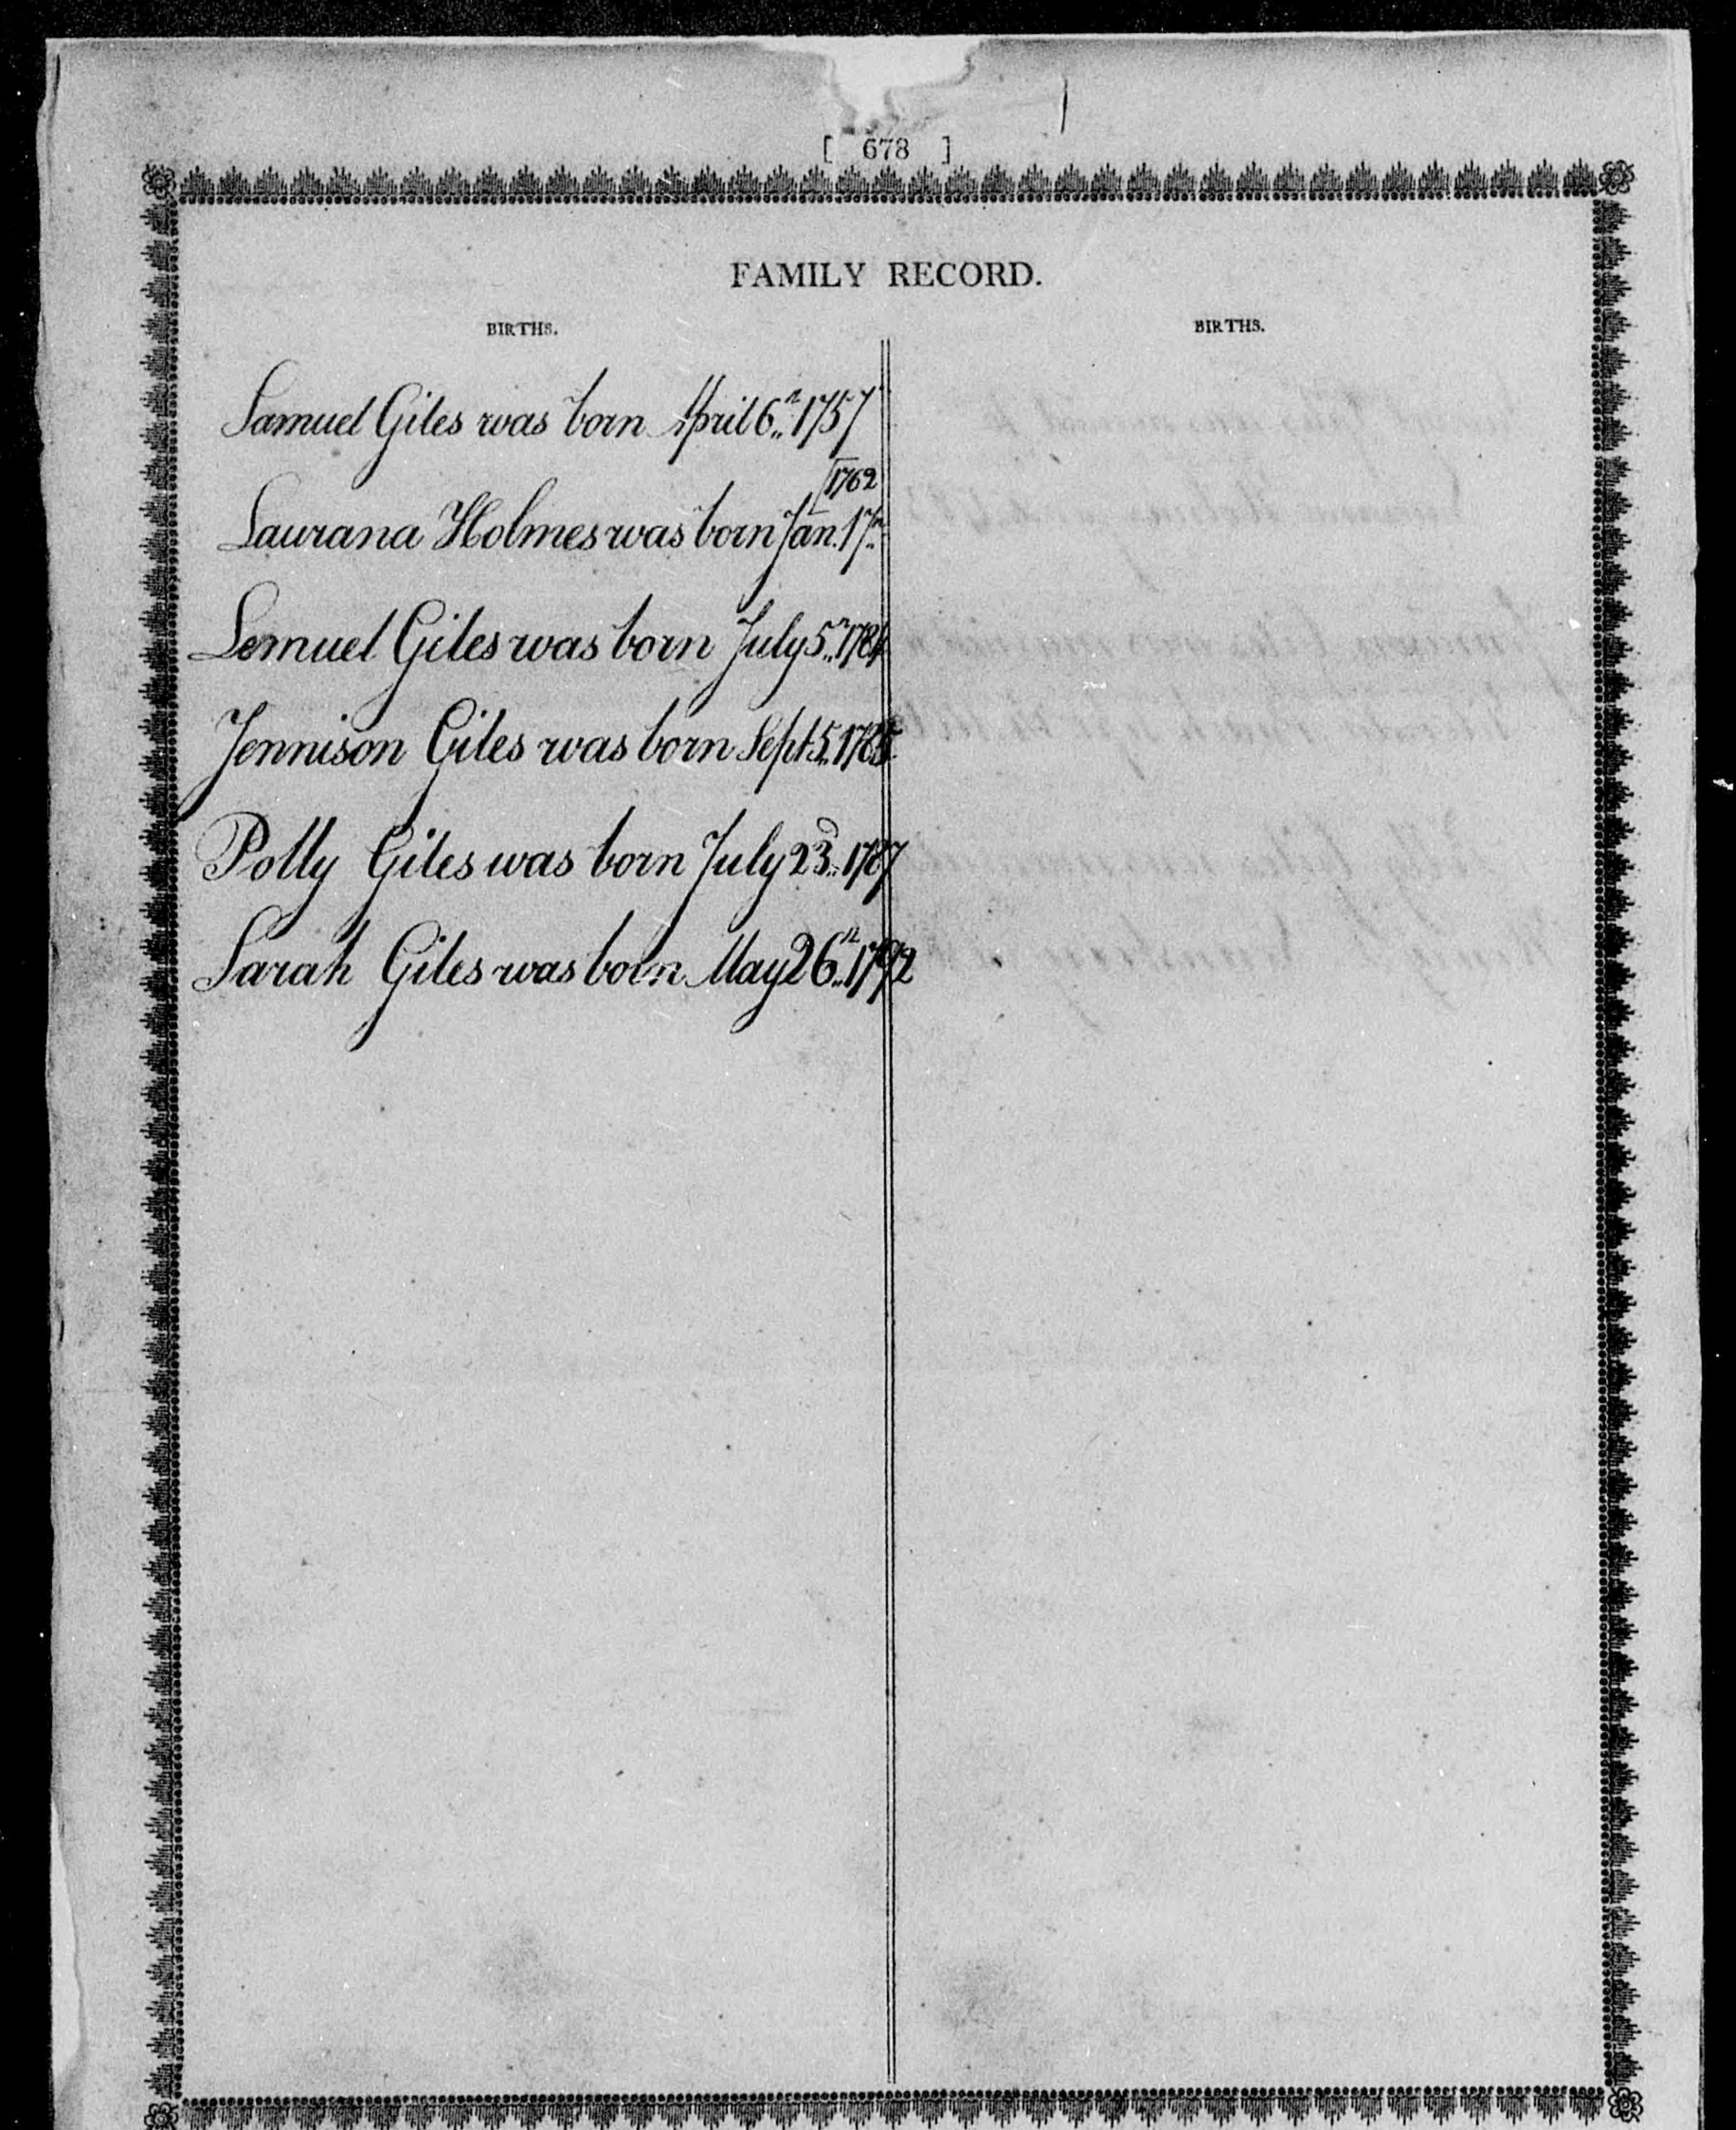Samuel Giles was born April 6th 1757
Laurana Holmes was born Jan. 17th 1762
Lemual Giles was born July 5th 1784
Jennison Giles was born Sept. 15h 1785
Polly Giles was born July 23rd 1787
Sarah Giles was born May 26th 1792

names: Laurana Holmes, Jennison Giles, Sarah Giles, Samuel Giles, Lemuel Giles, Polly Giles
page: 11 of 55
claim: widow's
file: W. 19503, Samuel Giles, Conti. Mass. New York